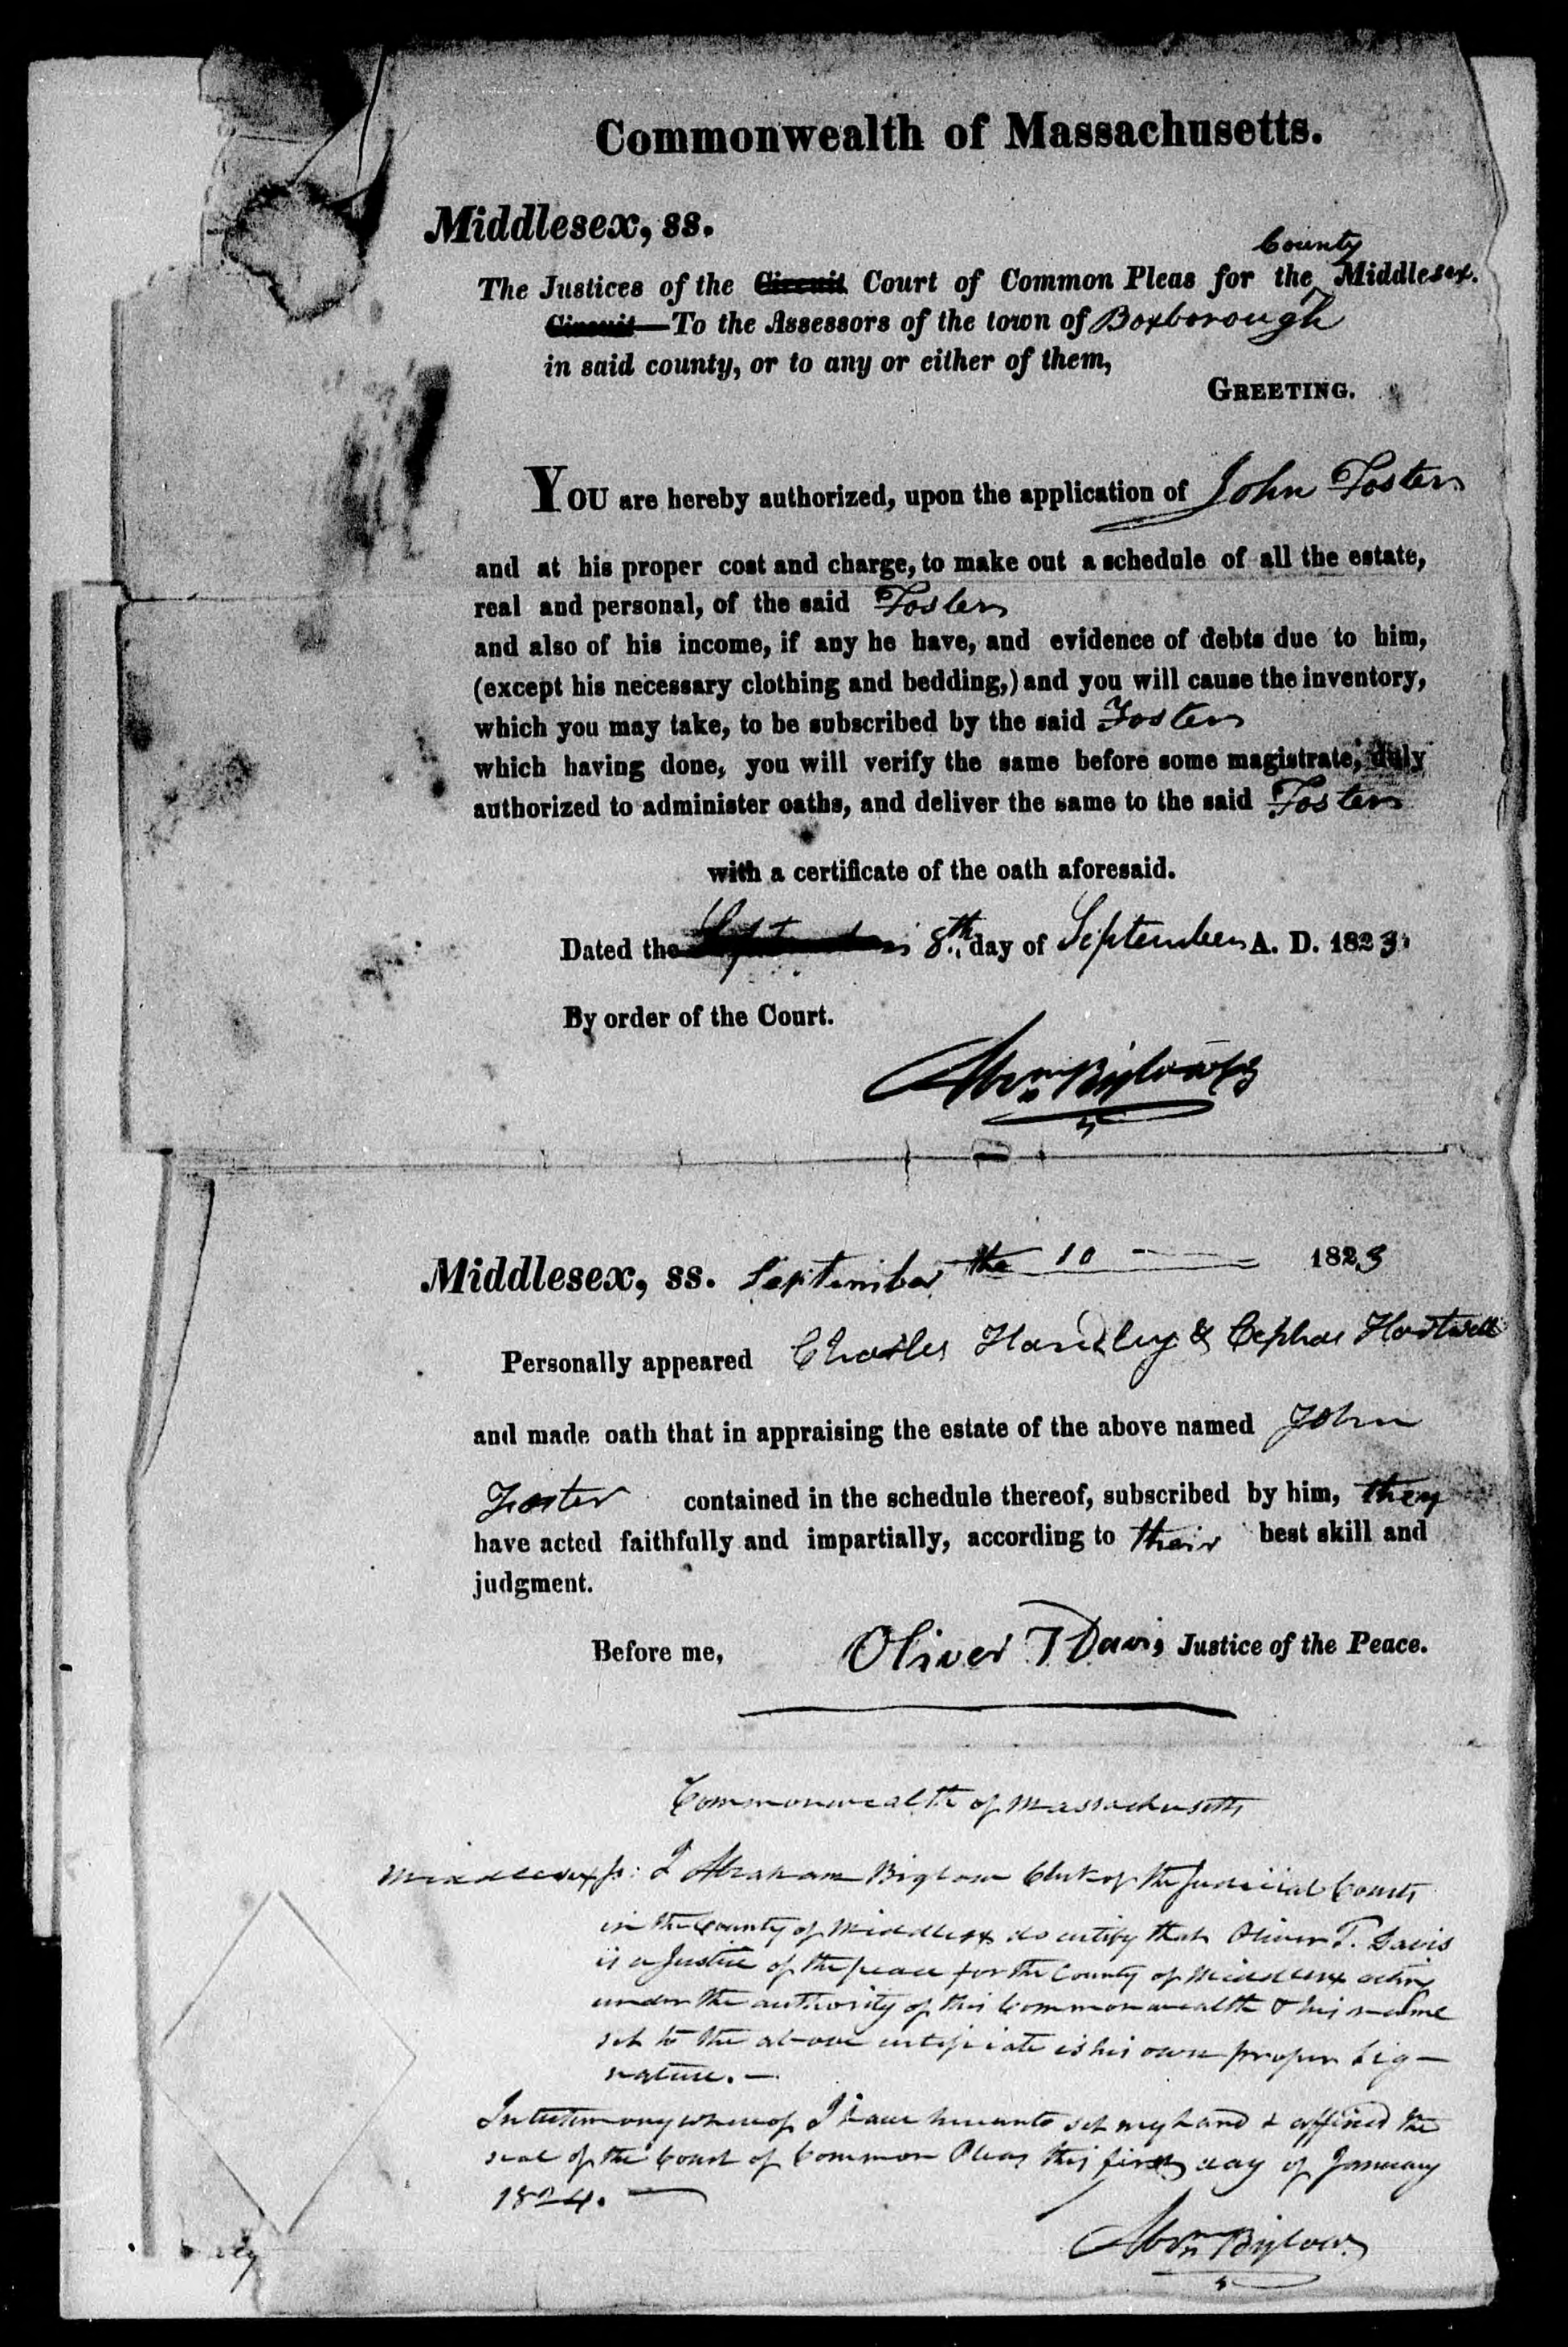Commonwealth of Massachusetts.
Middlesex, ss.
The Justices of the ["Circuit" crossed out] Court of Common Pleas for the ^County Middlesex ["Circuit" crossed out]--to the Assessors of the town of Boxborough in said county, or to any or either of them
GREETING.
You are hereby authorized upon the application of John Foster and at his proper cost and charge, to make out a schedule of all the estate, real and personal, of the said Foster and also of his income, if any he have, and evidence of debts due to him, (except his necessary clothing and bedding,) and you will cause the inventory, which you may take, to be subscribed by the said Foster which having done, you will verify the same before some magistrate, duly authorized to administer oaths, and deliver the same to the said Foster with a certificate of the oath aforesaid. 
Dated the ["September" crossed out] 8th day of September A. D. 1823 
By order of the court. 
Abrm Biglow
Middlesex, ss.  September the 10, 1823
Personally appeared Charles Handley and Celphas Hartwell and made oath that in appraising the estate of the above named John Foster contained in the schedule thereof, subscribed by him, they have acted faithfully and impartially, according to their best skill and judgment.
Before me,
Oliver T. Davis, Justice of the Peace.
Commonwealth of Massachusetts
Middlesex ss:
I Abraham Biglow Clerk of the Judicial Courts in the County of Middlesex do certify that Oliver T. Davis is a Justice of the peace for the County of Middlesex acting under the authority of this Commonwealth & his name set to the above certificate is his own proper signature.-
In testimony whereof I have hereunto set my hand & affixed the seal of the Court of Common Pleas this first day of January 1824.-
Abrm. Biglow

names: Cephas Hartwell, Foster, Abrm Biglow, Charles Handley, Foster, Abraham Biglow, John Foster, Abrm Biglow, John Foster, Oliver T Davis, Foster, Oliver T Davis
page: 43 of 47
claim: widow's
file: W. 7,302, John Foster, Continental Mass. R.I.